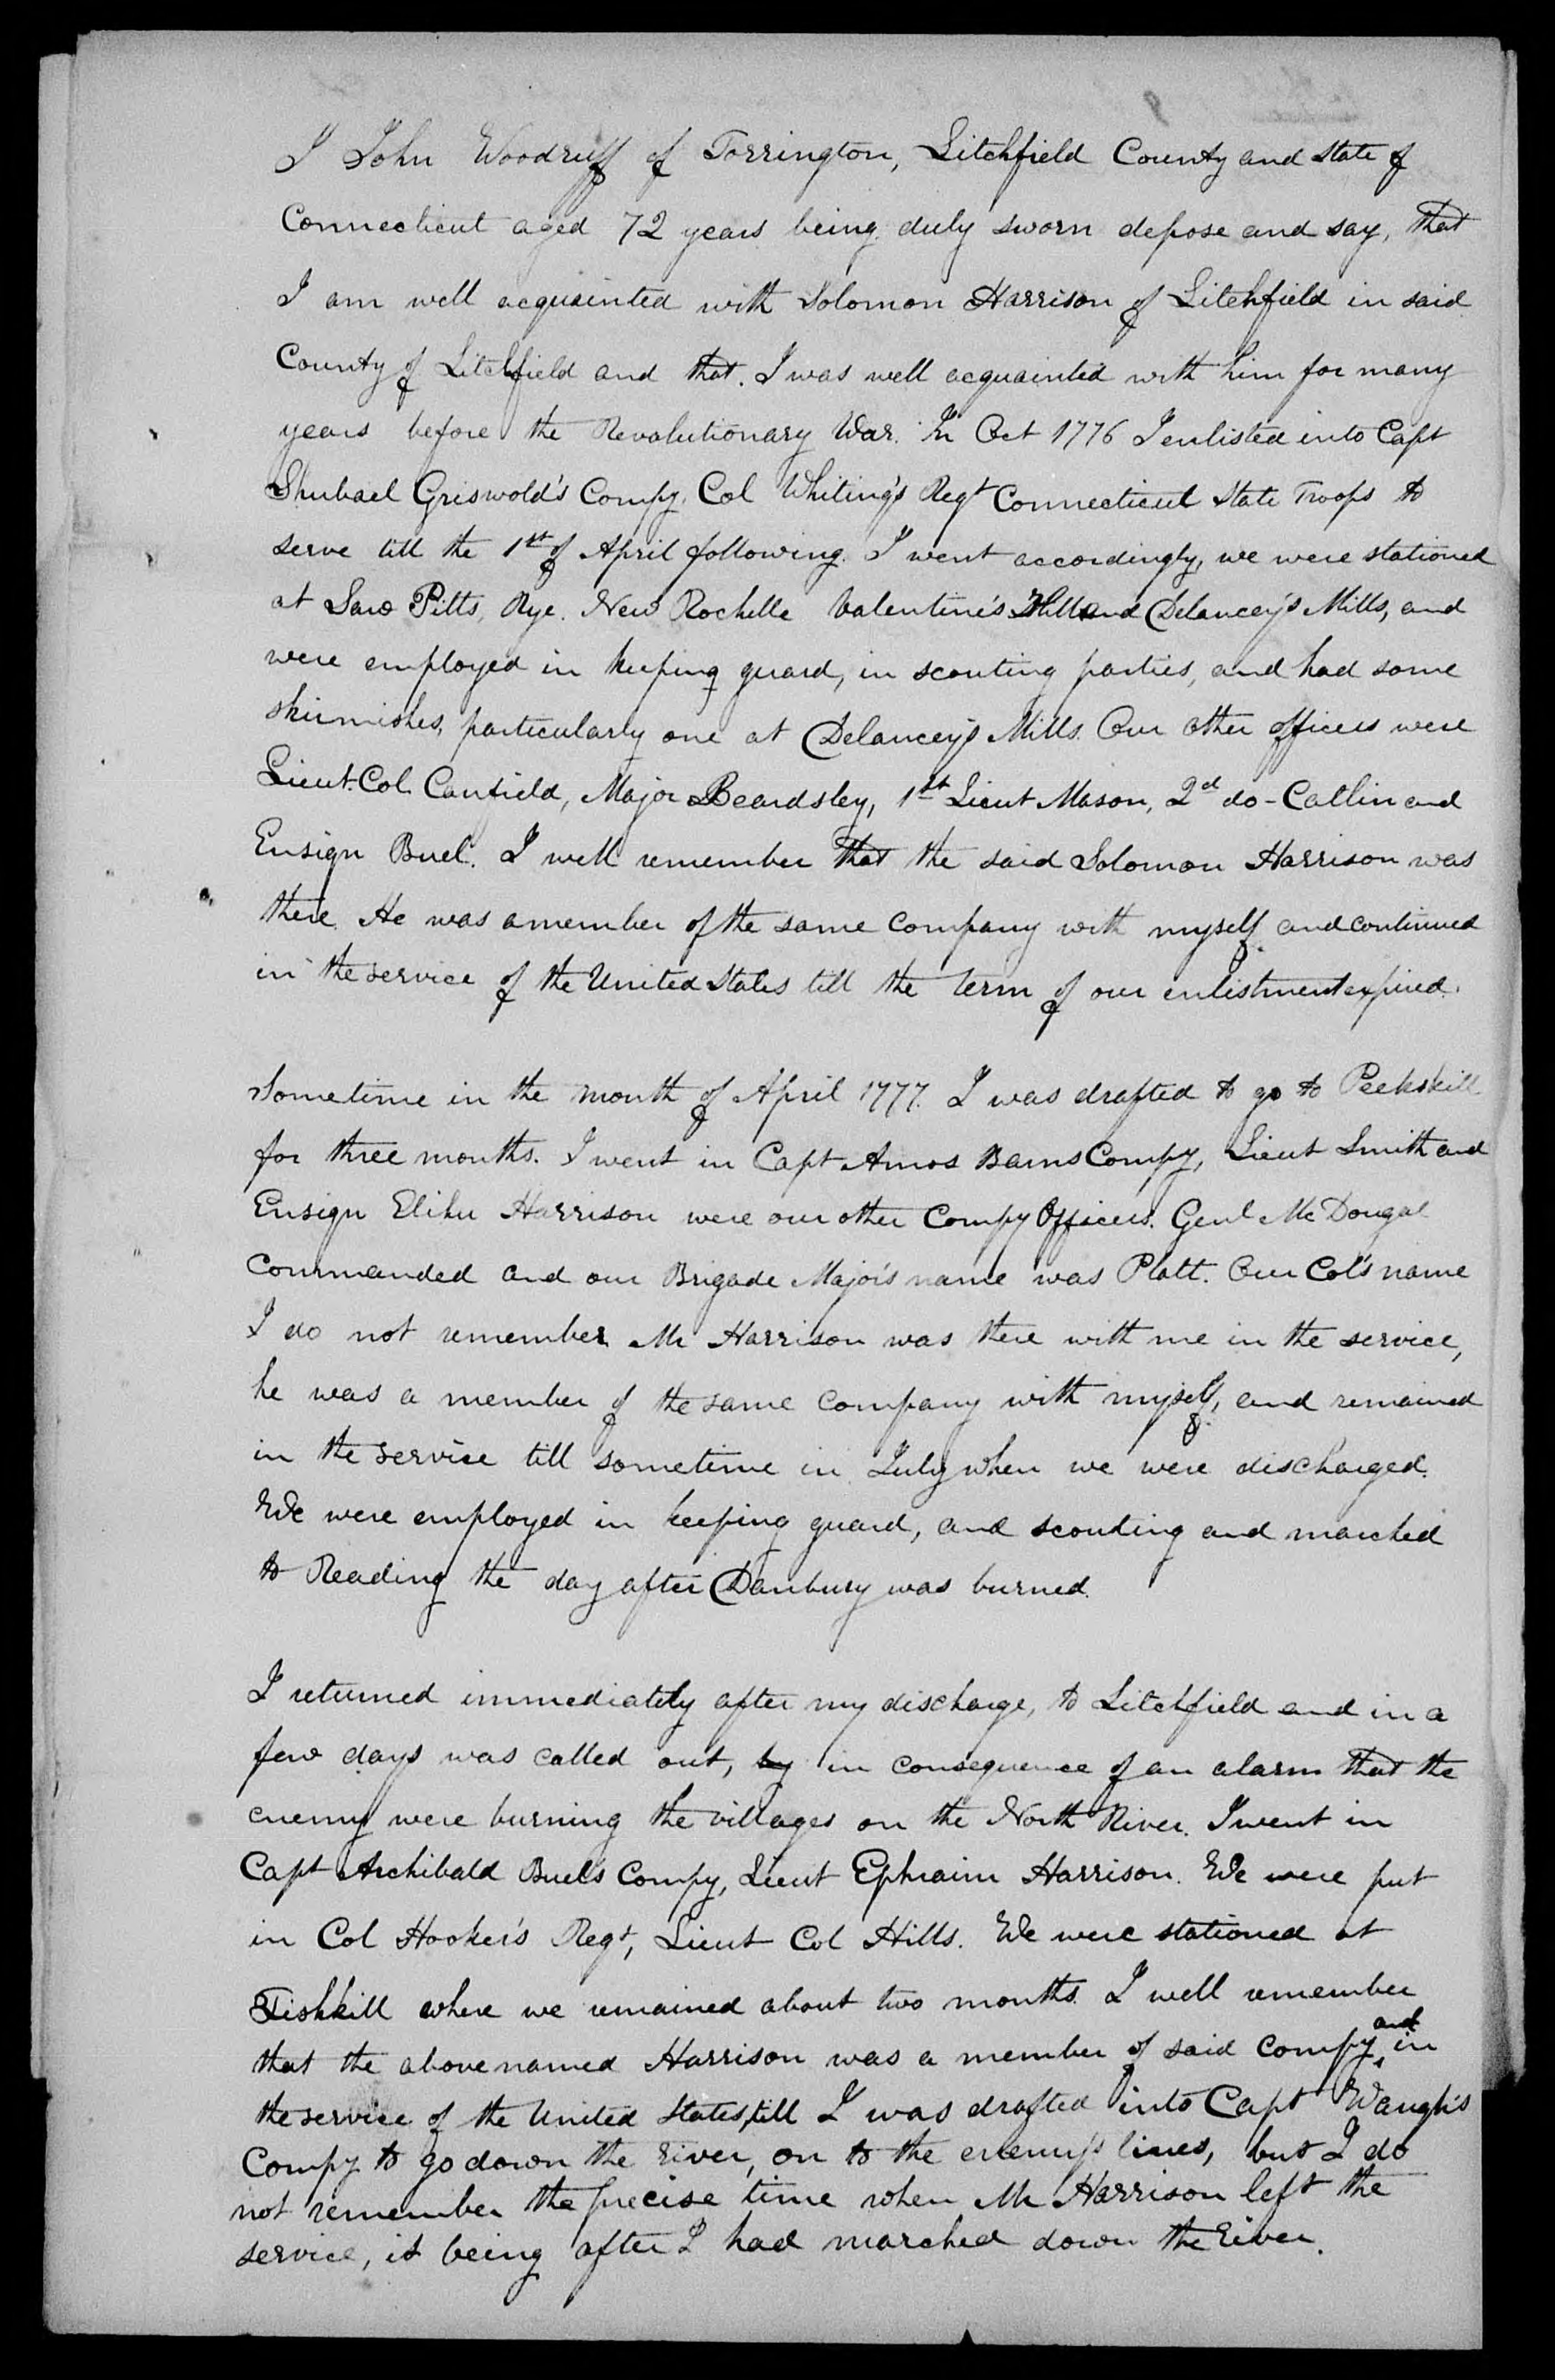I John Woodruff of Torrington, Litchfield County and State of Connecticut aged 72 years being duly sworn depose and say, that I am well acquainted with Solomon Harrison of Litchfield in said County of Litchfield and that I was well acquainted with him for many years before the Revolutionary War. In Oct 1776 I enlisted into Capt Shubael Griswold's Compy. Col Whiting's Regt Connecticut State troops to serve till the 1st of April following. I went accordingly, we were stationed at Saw Pitts, Rye New Rochelle Valentine's Hill and Delancey's Mills, and were employed in keeping guard, in scouting parties, and had some skirmishes, particularly one at Delancey's Mills. Our other officers were Lieut Col Canfield, Major Beardsley, 1st Lieut Mason, 2nd Catlin and Ensign Buel. I well remember that the said Solomon Harrison was there. He was a member of the same company with myself and continued in the service of the United States till the term of our enlistment expired. 
Sometime in the month of April 1777. I was drafted to go to Peekskill for three months. I went in Capt Amos Barns Compy, Lieut Smith and Ensign Elihu Harrison were our other Compy Officers. Genl McDougal commanded and our Brigade Major's name was Platt. Our Col's name I do not remember. Mr Harrison was there with me in the service, he was a member of the same company with myself, and remained in the service till sometime in July when we were discharged. We were employed in keeping guard, and scouting and marched to Reading the day after Danbury was burned.
I returned immediately after my discharge, to Litchfield and in a few days was called out, in consequence of an alarm that the enemy were burning the villages on the North River. I went in Capt Archibald Bull's compy, Lieut Ephraim Harrison. We were put in Col Hooker's Regt, Lieut Col Hills. We were stationed at Fishkill where we remained about two months. I well remember that the above named Harrison was a member of said compy, in the service of the United States till I was drafted into Capt Waugh's Compy to go down the river, on to the enemey's lines, but I do not remember the precise time when Mr Harrison left the service, it being after I had marched down the river.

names: Harrison, Elihu Harrison, Platt, Ephraim Harrison, Harrison, Solomon Harrison, Catlin, Buel, Mc Dougal, Beardsley, Solomon Harrison, Canfield, John Woodruff, Smith, Harrison, Mason, Hills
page: 17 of 22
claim: survivor's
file: S. 16137, Solomon Harrison, Conn.